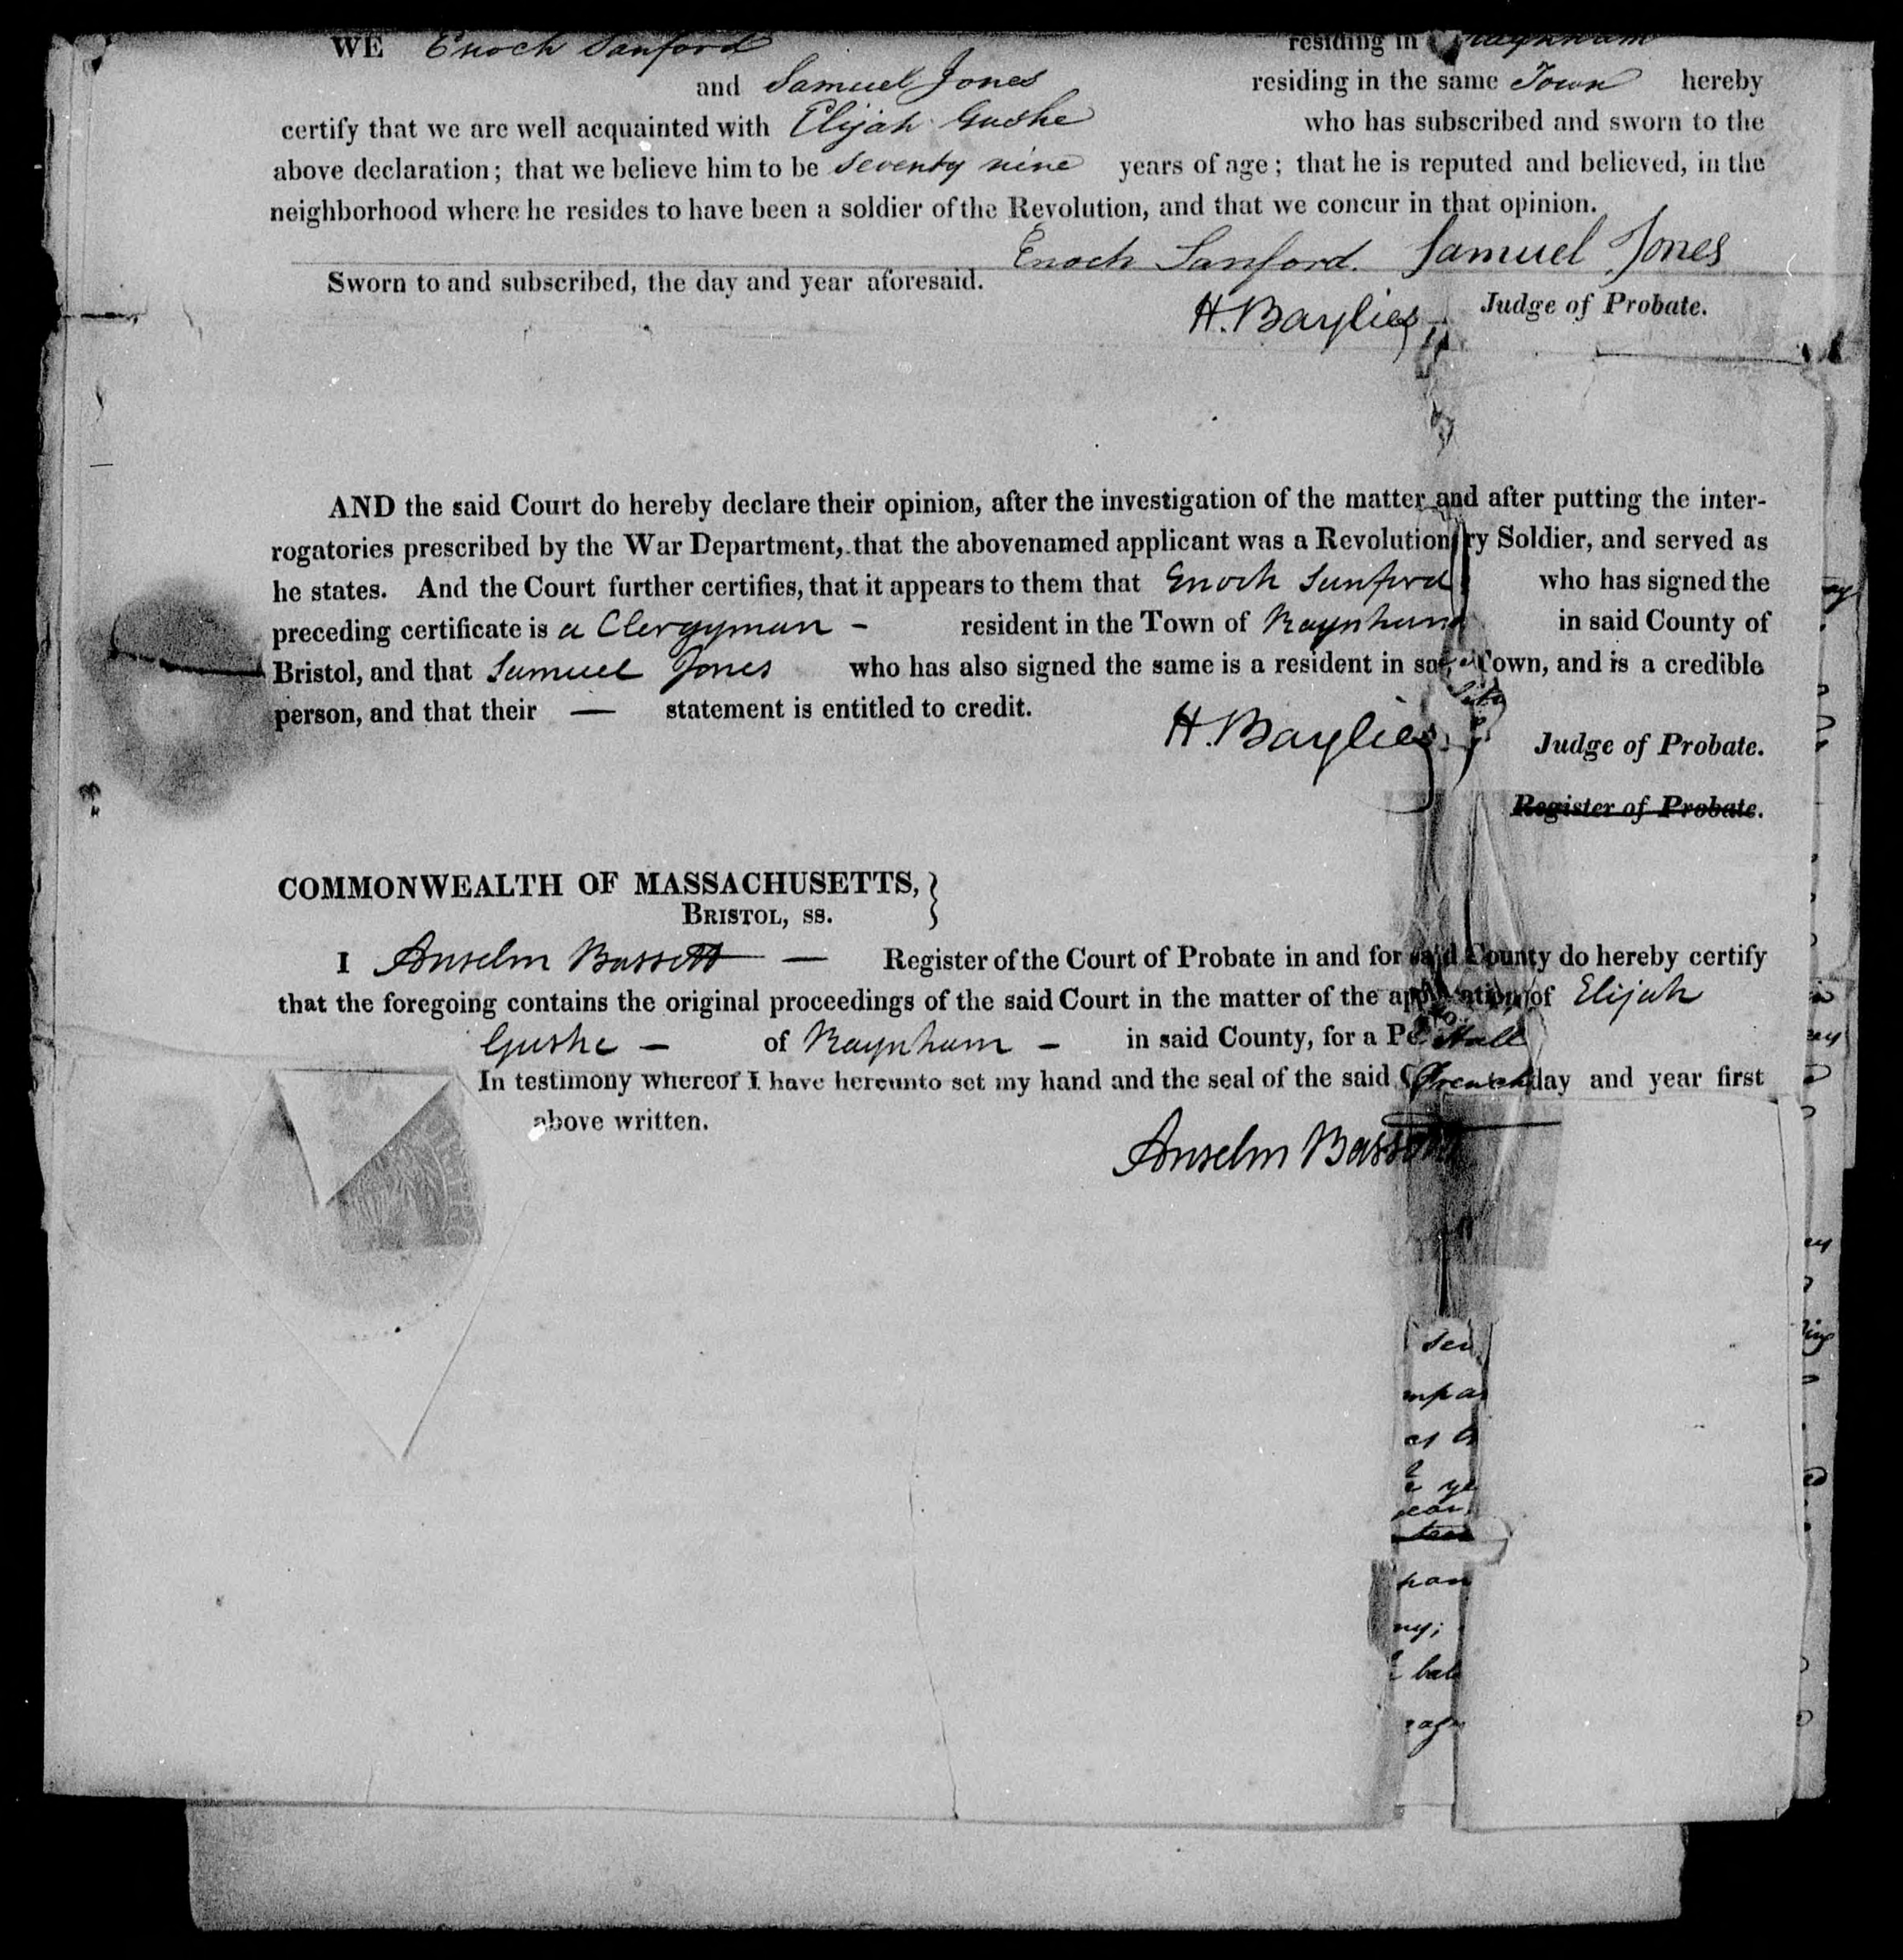We Enock Sanford resign in Raynham and Samuel Jones residing in the same Town hereby  certify that we are well acquainted with Elijah Gushe who has subscribed and sworn to the above declaration; that we believe him to be seventy nine years of age; that he is reputed and believed, in the neighborhood where he resides to have been a soldier of the Revolution, and that we concur in that opinion.
Signatures of Enoch Sanford, Samuel Jones

Sworn to and subscribed, the day and year aforesaid.
Signature of H. Baylies
Judge of Probate. 

AND the said Court do hereby declare their opinion, after the investigation of the matter and after putting the interrogatories
prescribed by the War Department, that the abovenamed applicant was a Revolutionary Soldier, and served as he states. And the Court further certifies, that it appears to them that Enoch Sanford who has signed the preceding certificate is a Clergyman-resident in the Town of Raynham who has also signed the same is a resident in [illegible] and is a credible person, and that their statement is entitled to credit.
Signature of H. Baylies  Judge of PRobate. 

COMMONWEALTH OF MASSACHUSETTS,
BRISTOL, SS.
I Anselm Bassett Register of the Court of Probate in and for the County do hereby certify that the foregoing contains the original proceedings of the said Court in the matter of [illegible] Elijah Gushe of Raynham in said County, for a [illegible]

In testimony whereof I have hereunto set my hand and the seal of the said (?) day and year first above written.
above written.
Signature of Anselm Bassett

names: H Baylies, Samuel Jones, Samuel Jones, Enoch Sanford, Samuel Jones, Elijah Gushe, Anselm Bassett, Anselm Bassett, Elijah Gushe, H Baylies, Enoch Sanford, Enoch Sanford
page: 10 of 36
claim: widow's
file: W. 8838, Elijah Gushee, Mass.